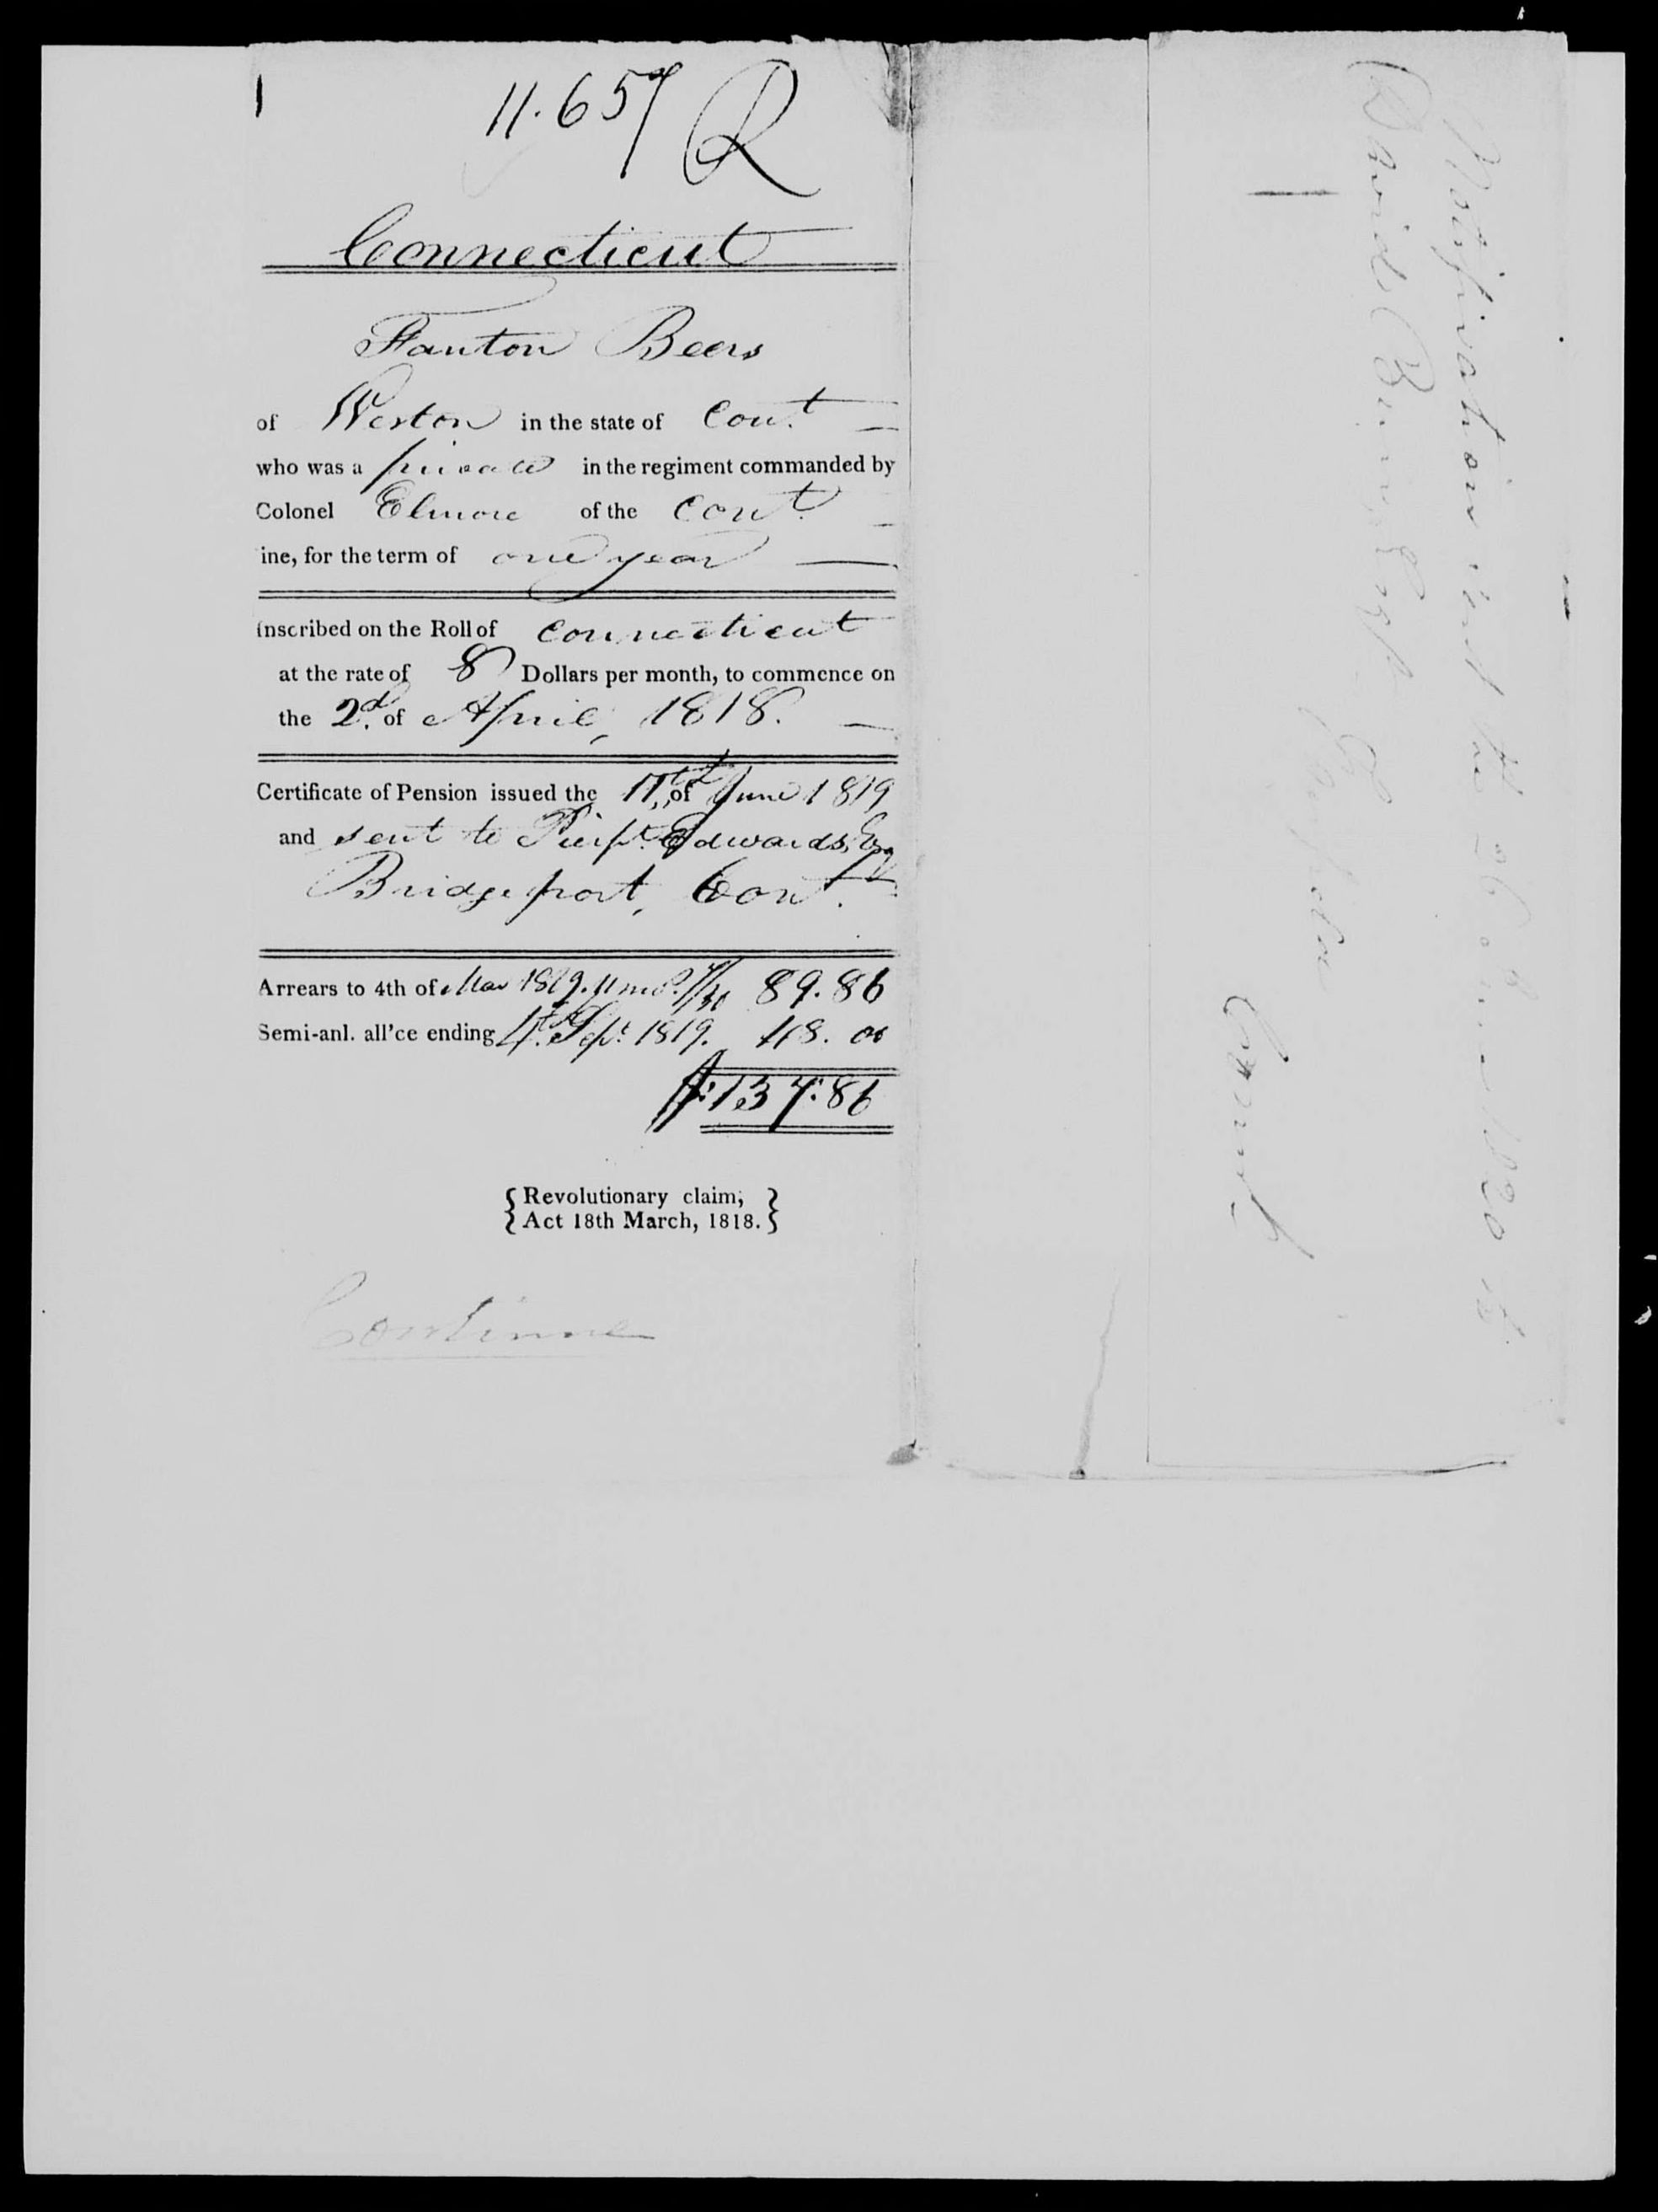11,657    R
Connecticut
Fanton Beers
of Weston in the state of cont
who was a private in the regiment commanded by
Colonel Elmore of the Cont.
line for the term of one year.
Inscribed on the roll of Connecticut
at the rate of 87 dollars per month to commence on
the 2nd of April 1818.
Certificate of Pension issued the 11th June 1819
and sent to Pierpt Edwards Esq.
Bridgeport, Conn.
Arrears to the 4th of Mar 1829 11 mo 4/30 $89.86
Semi anl all'ce ending 4 Sept 1819  $48.00
$134.86

{Revolutionary claim,
Act 18th March, 1818}

Continued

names: Elmore, Pierpt Edwards, Fanton Beers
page: 2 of 23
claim: survivor's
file: S. 37,750, Fanton Beers, Conn.